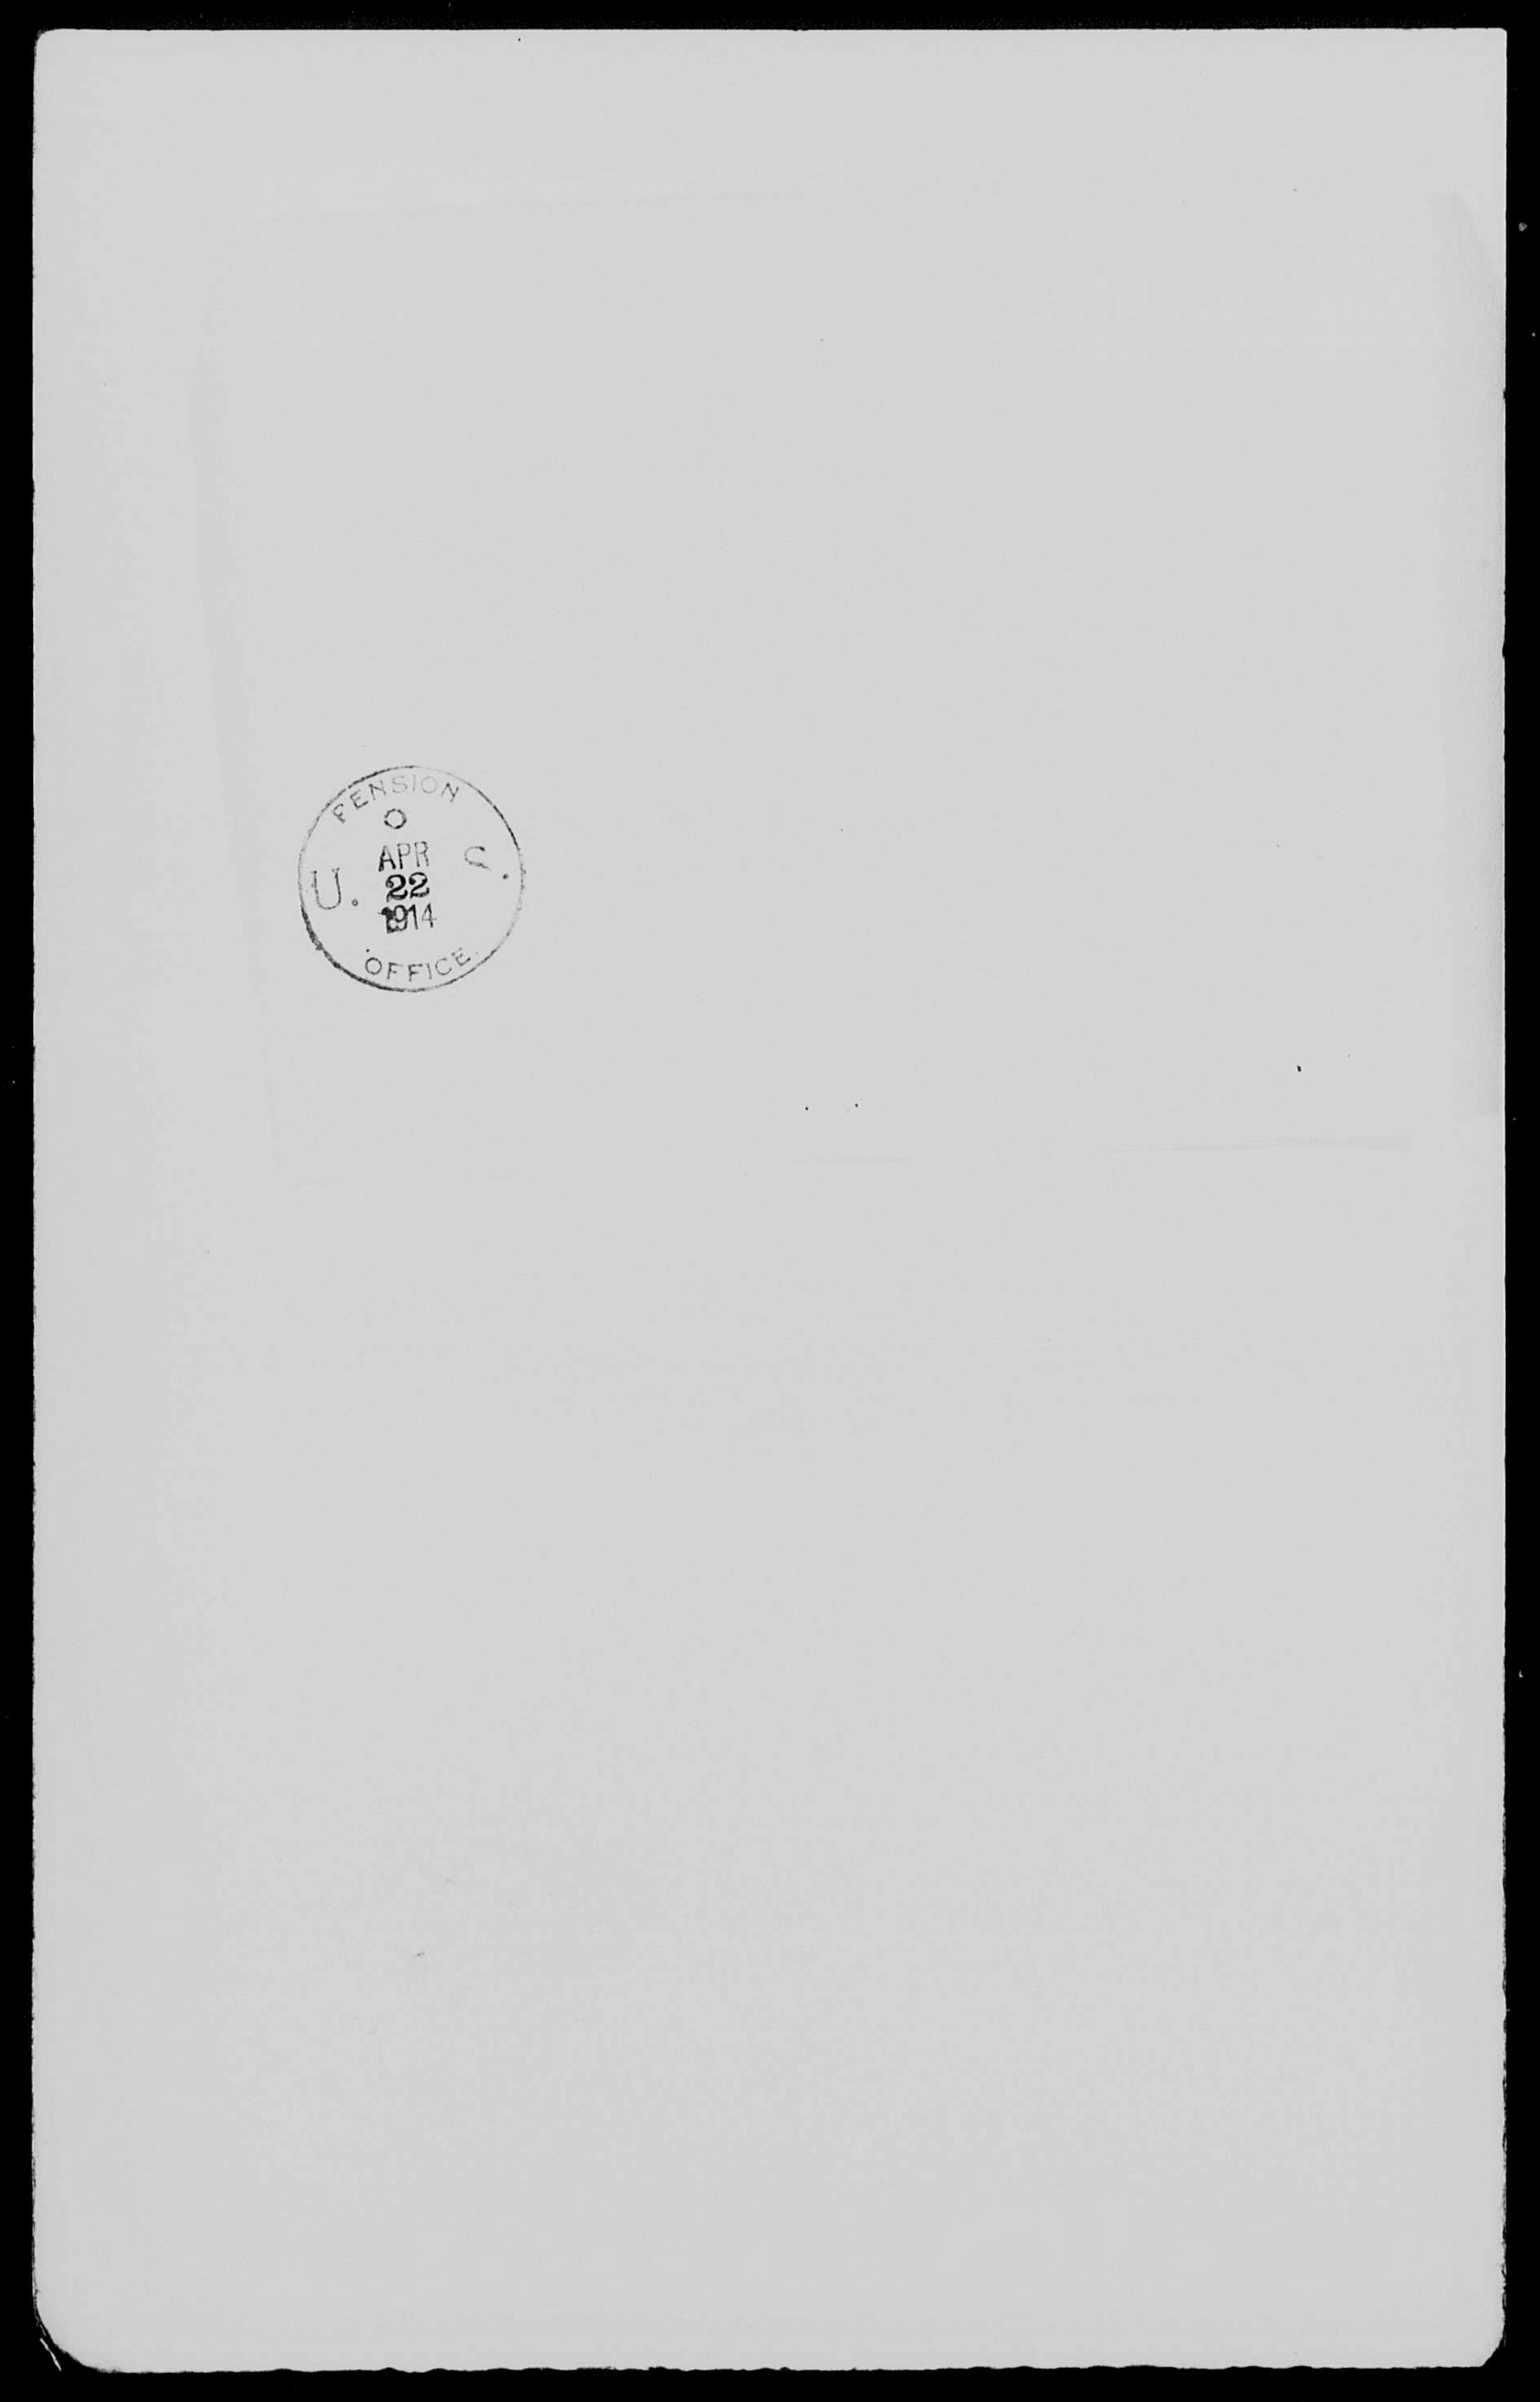[stamp]
U. S. PENSION OFFICE.
O
APR 22 1914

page: 28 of 34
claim: survivor's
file: S. 39981, Judah Benjamin, Continental (N. H. And N. Y.)